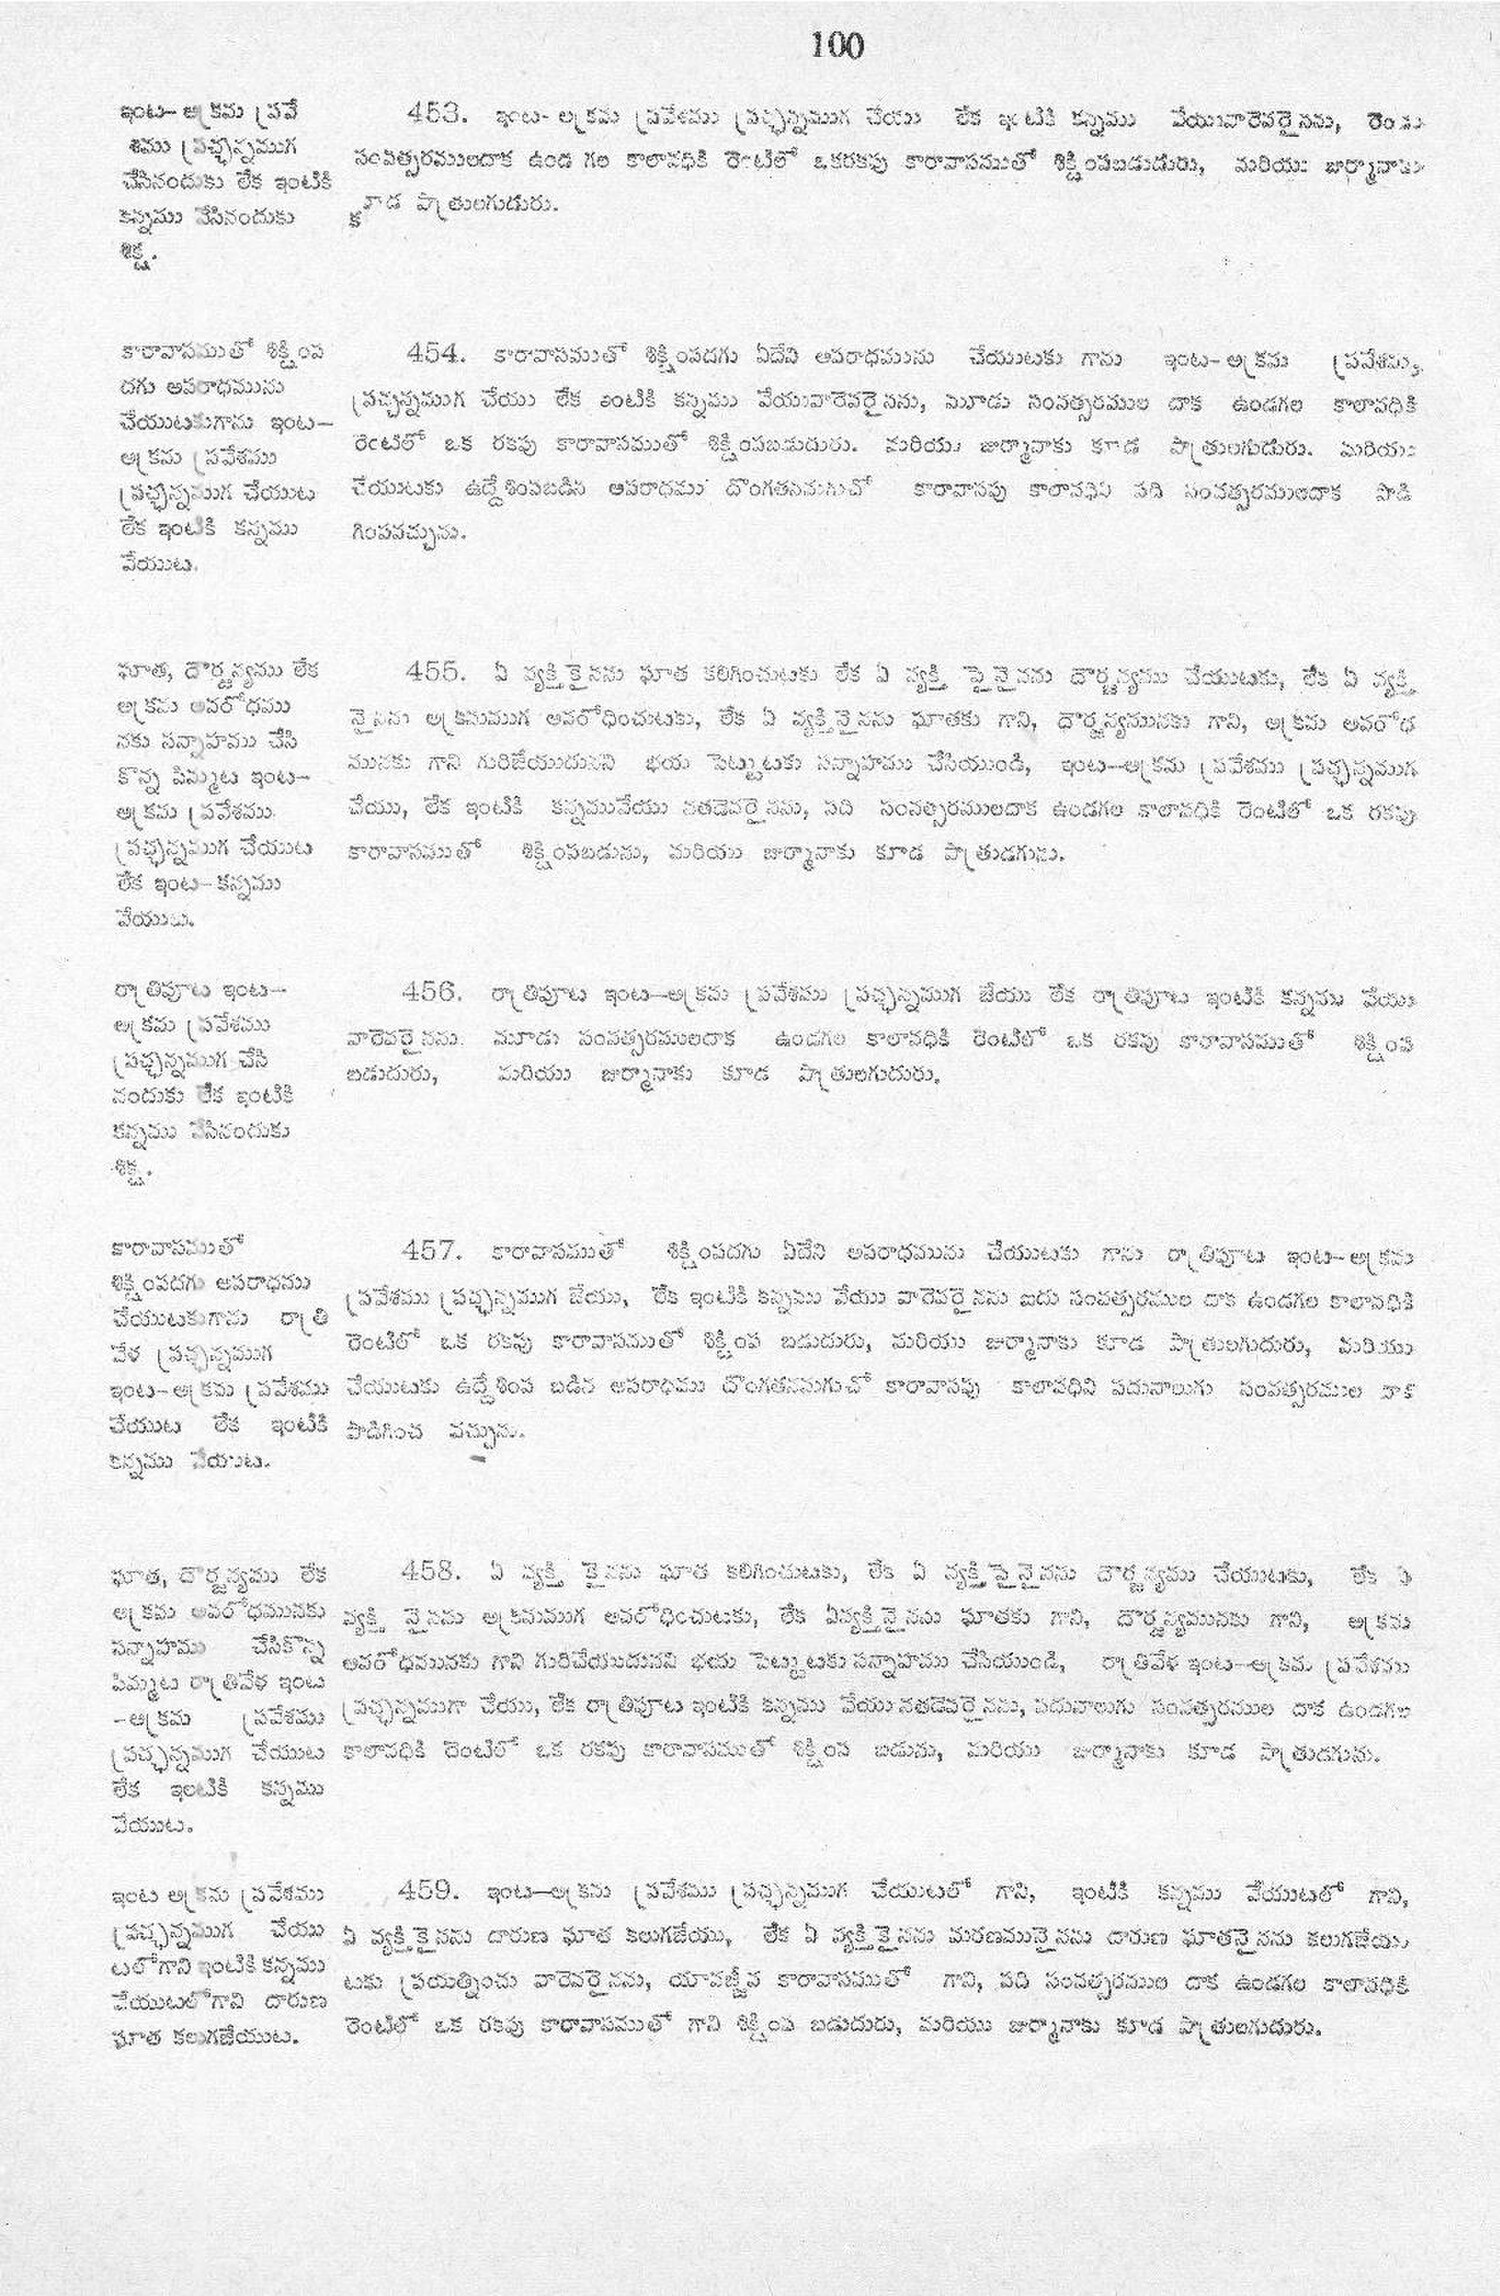ఇంట అక్రమ ప్రవేశము ప్రచ్చన్నమున చేసినందుకు శిక్ష. 

453. ఇంట అక్రమ ప్రవేశము ప్రచ్చన్నమున చేయు లేక ఇంటికి కన్నము వేయు వారెవరైనను, రెండు సంవత్సరములదాక ఉండ గల కాలావధికి రెంటిలో ఒకరకపు కారా వాసముతొ శిక్షింపబడుదురు, మరియ: జుర్మానాకు కూడ పాఅ పాత్రులగుదురు.

కాలావాసముతో శిక్షింపుదగు అపరాధమును చేయుటకుగాను ఇంట -అక్రమ ప్రవేశము ప్రచ్ఛన్నము, చేయుట లేక ఇంటికి కన్నము
వేయుట,

454. కారావాసముతో శిక్షింపదగు ఏదేని అపరాధమును చేయుటకు గాను ఇంట అక్రమ ప్రవేశము ప్రచ్చన్నముగ చేయు లేక ఇంటికి కన్నము వేయు వారెవరైనను, మూడు సంవత్సరముల దాక ఉండగల కాలావధికి రెంటిలో ఒక రకపు కారావాసముతో శిక్షింపబడుదురు. మరియు, జుర్మానాకు కూడ పాత్రులగుదురు. మరియు చేయుటకు ఉద్దేశింపబడిన ఆపరాధము దొంగతనమగుచో కారావానపు కాలావధిని పది సంవత్సరములదాక పొడిగింపవచ్చును.

మాత, దౌర్జన్యము లేక అక్రమ అవరోధమునకు సన్నాహము చేసికొన్న పిమ్మట ఇంట అక్రమ ప్రవేశము.ప్రచ్చన్నముగ చేయుట
లేక ఇంట -- కన్నము వేయుట.

455. ఏ వ్యక్తికైనను ఘాత కలిగించుటకు లేక ఏ వ్యక్తి పై నైనను దౌర్జన్యము చేయుటకు, లేక ఏ వ్యక్తి నైనను అక్రమముగ అవరోధించుటకు, లేక ఏ వ్యక్తి నై నను ఘాతకు గాని, దౌర్జన్యమునకు గాని, అక్రమ అవరోధమునకు గాని గురిజేయుదునని భయ పెట్టుటకు సన్నాహము చేసియుండి, ఇంట అక్రమ ప్రవేశము ప్రచ్ఛన్నముగ చేయు, లేక ఇంటికి కన్నము వేయు నతడెవరై నను, పది సంసత్సరములదాక ఉండగల కాలావధికి రెంటిలో ఒక రకపు కారావాసముతో శిక్టింపబడును, మరియు జుర్మానాకు కూడ పాత్రుడగును.

రాత్రిపూట ఇంట అక్రమ ప్రవేశము ప్రచ్ఛన్నముగా చేసినందుకు లేక ఇంటికి కన్నము చేసినందుకు శిక్ష.

456. రాత్రిపూట ఇంట అక్రమ ప్రవేశము ప్రచ్ఛన్నముగ జేయు లేక రాత్రిపూట ఇంటికి కన్నము వేయు వారెవరై నను. మూడు సంవత్సరములగాక ఉండగల కాలావధికి రెంటిలో ఒక రకపు కారావాసముతో శిక్షింపబడుదురు, మరియు జుర్మానాకు కూడ పాత్రులగుదురు,

కారావాసముతో శిక్షింపదగు అపరాధము చేయుటకుగాను రాత్రివేళ ప్రచ్ఛన్నముగ ఇంట అక్రమ ప్రవేశము చేయుట లేక ఇంటికి
కన్నము చేయుట.

457. కారావాసముతో శిక్షింపదగు ఏదేని అపరాధమును చేయుటకు గాను రాత్రిపూట ఇంట అక్రమ ప్రవేశము ప్రచ్ఛన్నముగ జేయు, లేక ఇంటికి కన్నము చేయు వారెవరై నను ఆరు సంవత్సరముల దాక ఉండగల కాలావధికి రెంటిలో ఒక రకపు కారావాసముతో శిక్షింప బడుదురు, మరియు జుర్మానాకు కూడ పాత్రులగుదురు, మరియు చేయుటకు ఉద్దేశింప బడిన అపరాదము దొంగతనమగుచో కారావాసపు కాలావధిని పదునాలుగు సంవత్సరములు దాక పొడిగించ వచ్చును .

ఘాత, దౌర్జన్యము లేక అక్రమ అవరోధమునకు సన్నాహము చేసికొన్న పిమ్మట రాత్రివేళ ఇంట అక్రమ ప్రవేశము ప్రచ్ఛన్నము చేయుట 
లేక ఇంటికి కన్నము వేయుట.

458. ఏ వ్యక్తి కైనను ఘాత కలిగించుటకు, లేక ఏ వ్యక్తి పై నై నను పౌర్బన్యము చేయుటకు, లేక ఏ వ్యక్తి నైనను అక్రమముగ అవరోధించుటకు, లేక ఏవ్యక్తి నై నను ఘాతకు గాని, దౌర్జన్యమునకు గాని, అక్రమ అవరోధమునకు గాని గురిచేయుదునని భయ పెట్టుటకు సన్నాహము చేసియుండి, రాత్రివేళ ఇంట అక్రమ ప్రవేశము ప్రచ్ఛన్నముగా చేయు, లేక రాత్రిపూట ఇంటికి కన్నము వేయు వారెవరై నను, పదునాలుగు సంవత్సరముల దాక ఉండగల కాలావధికి రెంటిలో ఒక రకపు కారావాసము తొ శిక్షింప బడును, మరియు జుర్మానాకు కూడ పాత్రుడగును.

ఇంట అక్రమ ప్రవేశము ప్రచ్ఛన్నముగ చేయుటలోగాని ఇంటికి కన్నము వేయుటలోగాని దారుణ ఘాత కలుగజేయుట.

459. ఇంట- అక్రమ ప్రవేశమున ప్రచ్ఛన్నము చేయుటలో గాసి, ఇంటికి కన్నము వేయుటలో గాని, ఏ వ్యక్తి కై నను దారుణ ఘాత కలుగజేయు, లేక ఏ వ్యక్తి కై నను మరణమునై నను దారుణ ఘాతనై నను కలుగజేయుటకు ప్రయత్నించు వారెవరైనను, యావజ్జీవ కారావాసముతో గాని, పది సంవత్సరముల దాక ఉండగల కాలావధికి రెంటిలో ఒక రకపు కారావాసముతో గాని శిక్షింప బడుదురు, మరియు జుర్మానాకు కూడ పాత్రులగుదురు.